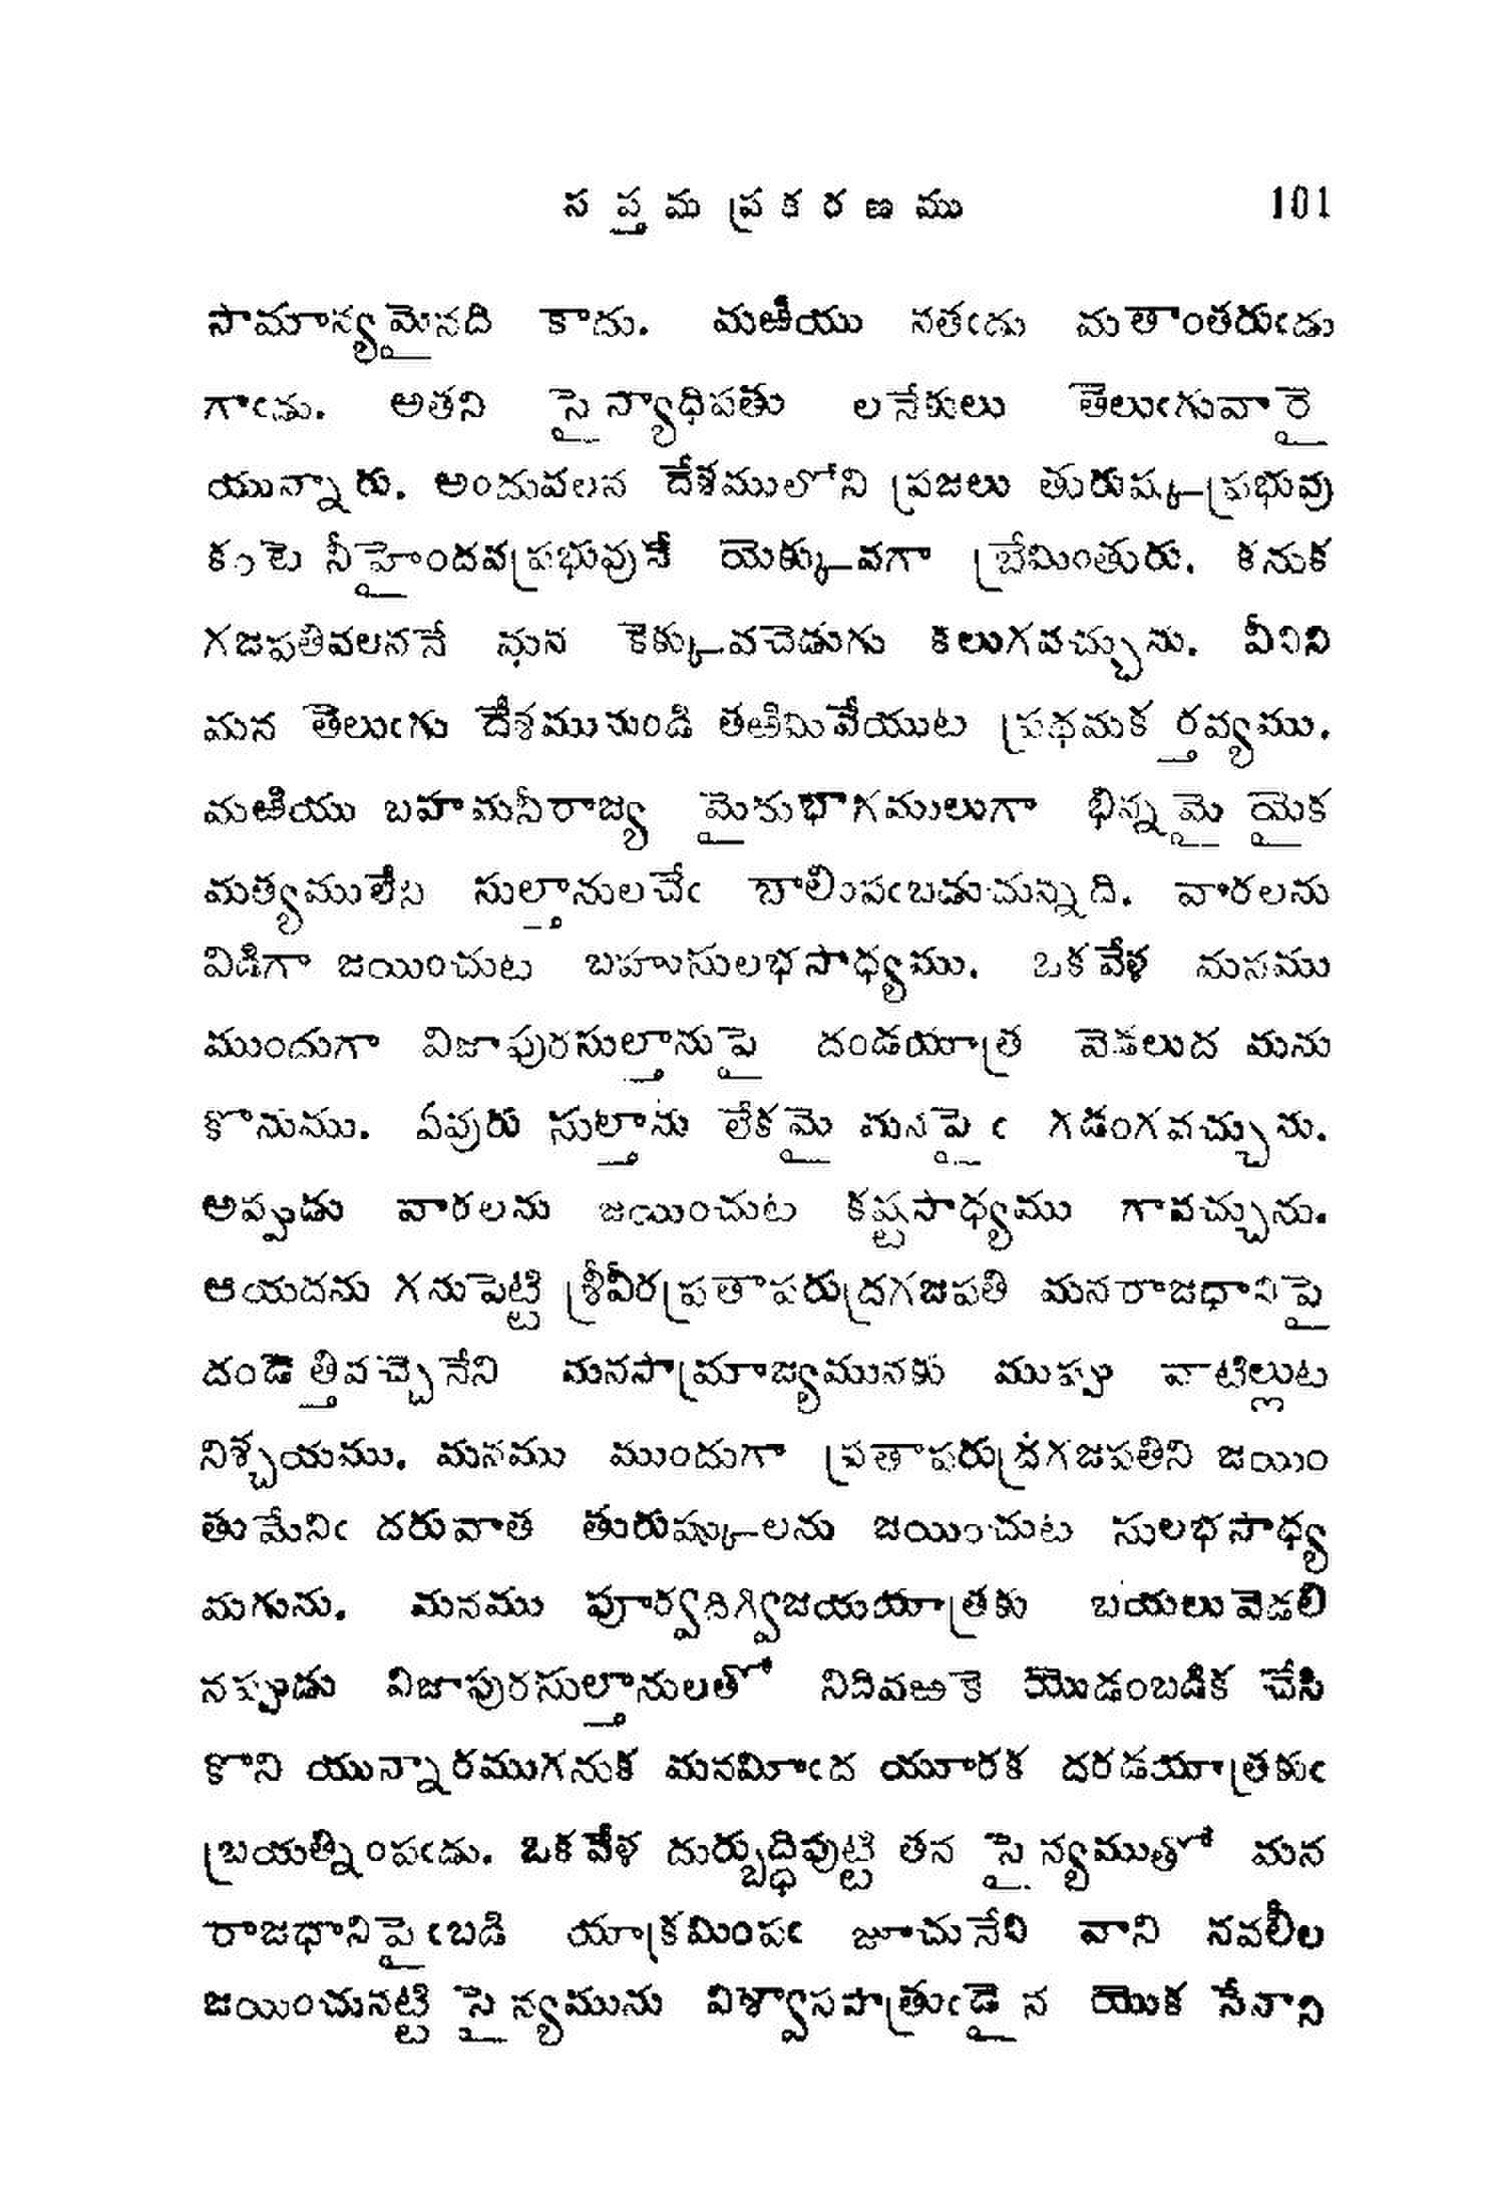సామాన్యమైనది కాదు. మఱియు నతఁడు మతాంతరుఁడు గాఁడు. అతని సైన్యాధిపతు లనేకులు తెలుఁగువారై యున్నారు. అందువలన దేశములోని ప్రజలు తురుష్క-ప్రభువుకంటె నీహైందవప్రభువునే యెక్కువగా బ్రేమింతురు. కనుక గజపతివలననే మన కెక్కువచెడుగు కలుగవచ్చును. వీనిని మన తెలుఁగు దేశమునుండి తఱిమివేయుట ప్రథమకర్తవ్యము. మఱియు బహమనీరాజ్య మైదుభాగములుగా భిన్నమై యైకమత్యములేని సులాన్తులచేఁ బాలింపఁ బడుచున్నది. వారలను విడిగా జయించుట బహుసులభసాధ్యము. ఒకవేళ మనము ముందుగా విజాపురసుల్తానుపై దండయాత్ర వెడలుద మనుకొనుము. ఏవురు సుల్తాను లేకమై మనపైఁ గడంగవచ్చును. అప్పుడు వారలను జయించుట కష్టసాధ్యము గావచ్చును. ఆయదను గనుపెట్టి శ్రీవీరప్రతాపరుద్రగజపతి మనరాజధానిపై దండెత్తివచ్చెనేని మనసామ్రాజ్యమునకు ముప్పు వాటిల్లుట నిశ్చయము. మనము ముందుగా ప్రతాపరుద్రగజపతిని జయింతుమేనిఁ దరువాత తురుష్కులను జయించుట సులభసాధ్య మగును. మనము పూర్వదిగ్విజయయాత్రకు బయలువెడలి నప్పుడు విజాపురసుల్తానులతో నిదివఱకె యొడంబడిక చేసికొని యున్నారముగనుక మనమీఁద యూరక దరడయాత్రకుఁ బ్రయత్నింపఁడు. ఒకవేళ దుర్బుద్ధిపుట్టి తన సైన్యముతో మన రాజధానిపైఁబడి యాక్రమింపఁ జూచునేని వాని నవలీల జయించునట్టి సైన్యమును విశ్వాసపాత్రుఁడైన యొక సేనాని